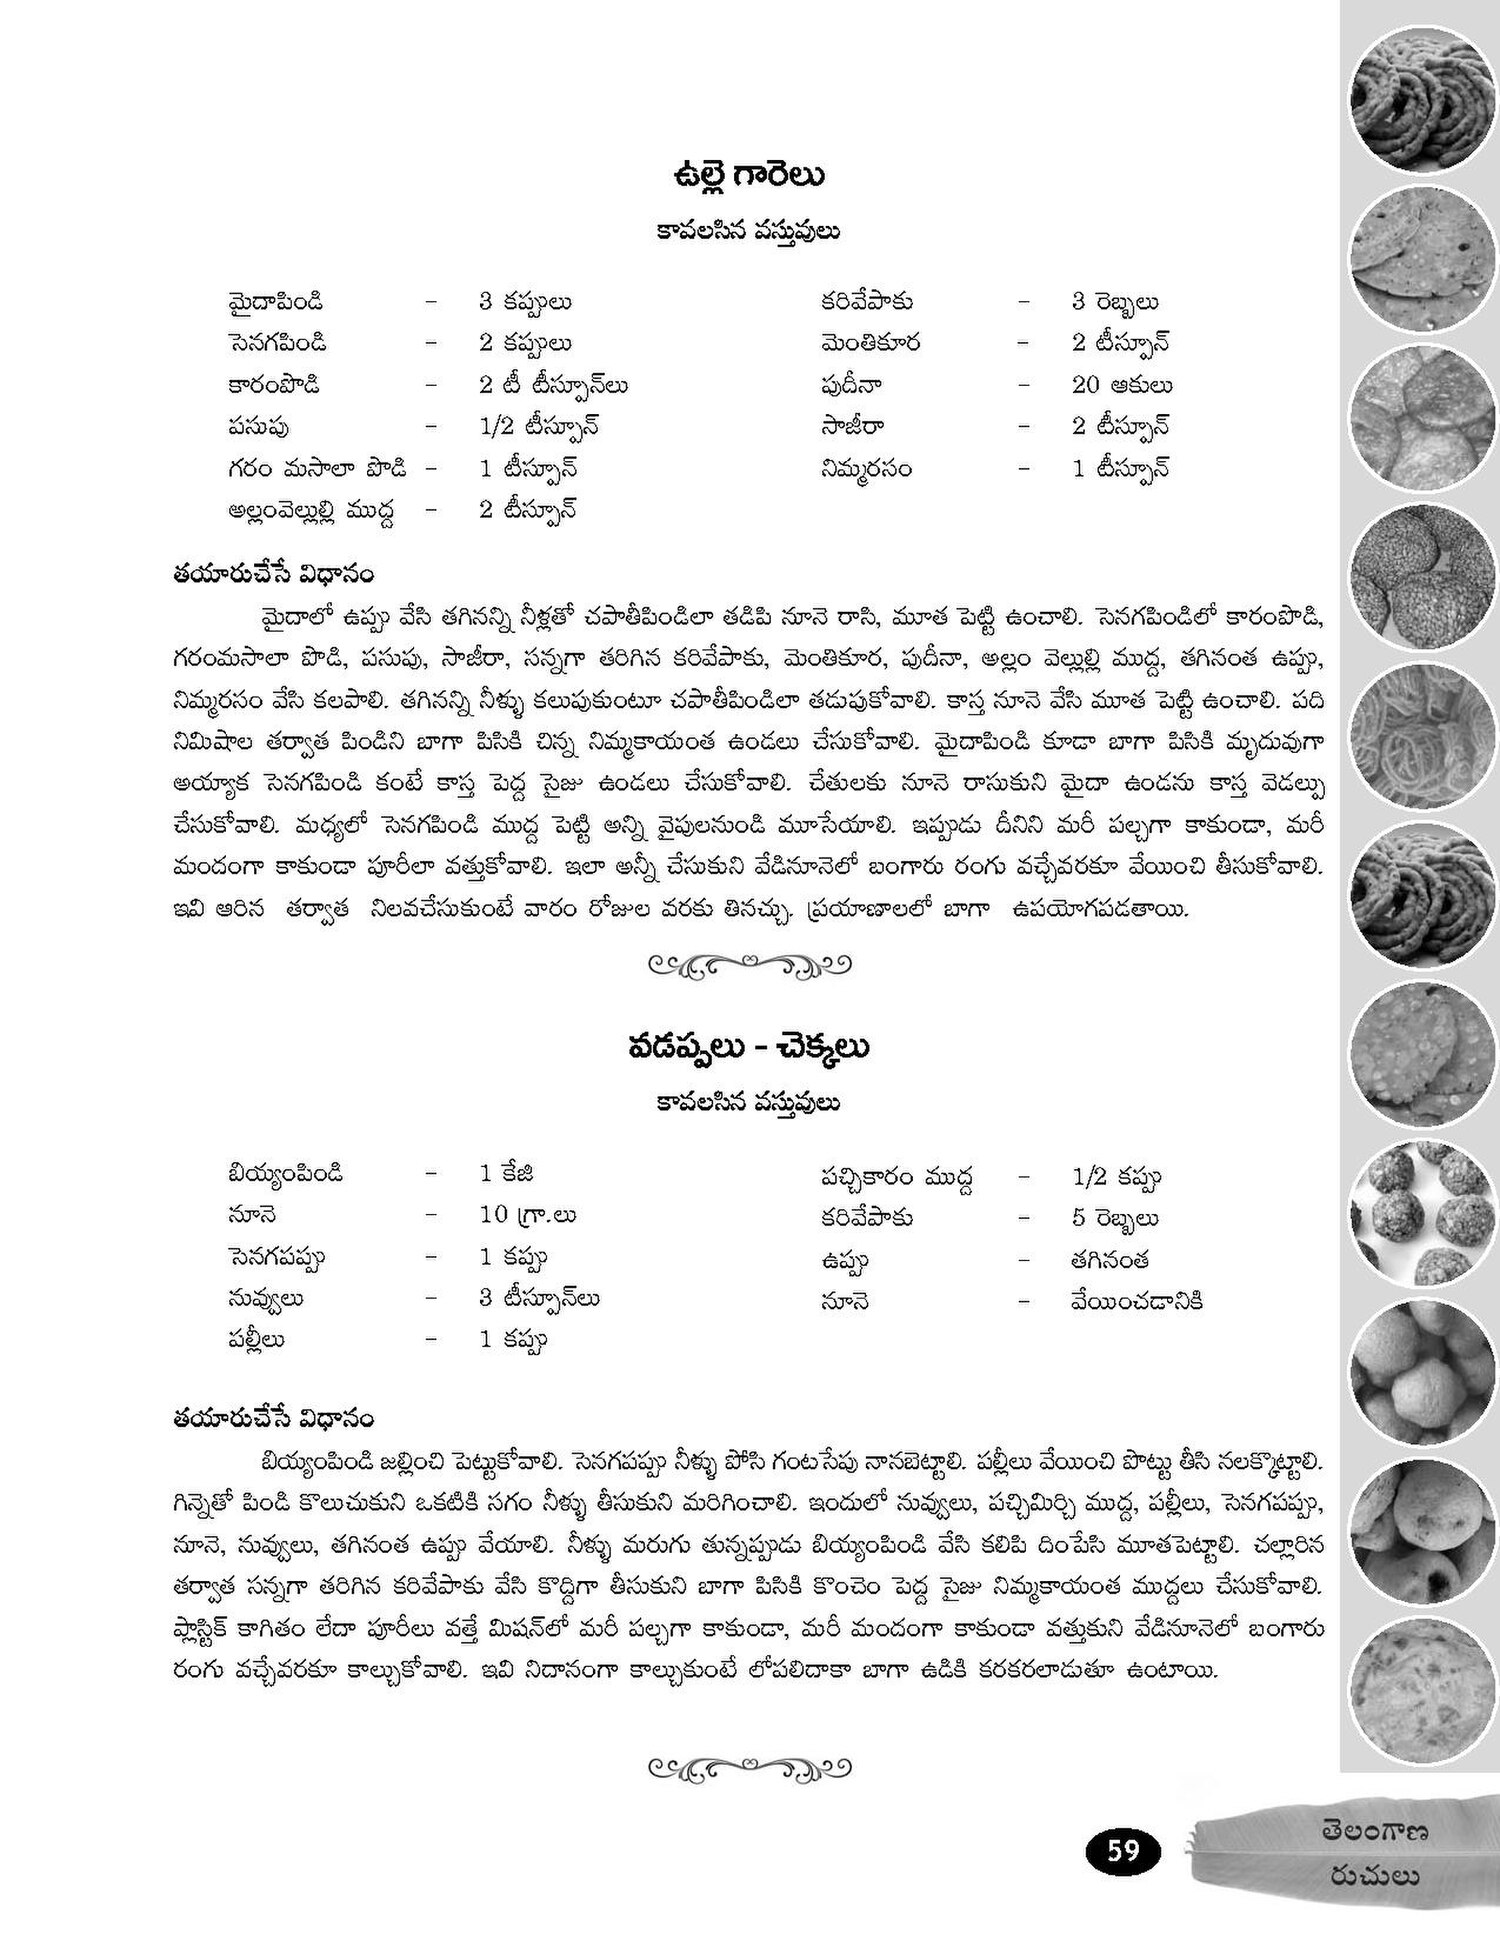+ కావలసిన వస్తువులు మైదా పిండి 3 కప్పులు. సెనగపిండి 2 కప్పులు కరివేపాకు 3 రెబ్బలు పుదీనా 20 ఆకులు కారంపొడి 2 టీస్పూన్లు పసుపు 1/2 టీస్పూన్ గరం మసలా పొడి 1 టీస్పూన్ మెంతికూర 2 టీస్పూన్లు ధనియాల పొడి 1 టీస్పూన్ అల్లం వెల్లుల్లి ముద్ద 2 టీస్పూన్లు సౌజీరా 2 టీస్పూన్లు నిమ్మరసం 1 టీస్పూన్

తయారుచేసే విధానం 

మైదాలో ఉప్పు వేసి తగినన్ని నీళ్లతో చపాతీపిండిలా తడిపి నూనె రాసి, మూత పెట్టి ఉంచాలి. సెనగపిండిలో కారం పొడి, గరంమసాలా పొడి, పసుపు, సాజీరా, సన్నగా తరిగిన కరివేపాకు, మెంతికూర, పుదీనా, అల్లం వెల్లుల్లి ముద్ద, తగినంత ఉప్పు, నిమ్మరసం వేసి కలపాలి. తగినన్ని నీళ్ళు కలుపుకుంటూ చపాతీపిండిలా తడుపుకోవాలి. కాస్త నూనె వేసి మూత పెట్టి ఉంచాలి. పది నిమిషాల తర్వాత పిండిని బాగా పిసికి చిన్న నిమ్మకాయంత ఉండలు చేసుకోవాలి. మైదాపిండి కూడా బాగా పిసికి మృదువుగా అయ్యాక సెనగపిండి కంటే కాస్త పెద్ద సైజు ఉండలు చేసుకోవాలి. చేతులకు నూనె రాసుకుని మైదా ఉండను కాస్త వెడల్పు చేసుకోవాలి. మధ్యలో సెనగపిండి ముద్ద పెట్టి అన్ని వైపులనుండి మూసేయాలి. ఇప్పుడు దీనిని మరీ పల్చగా కాకుండా, మరీ మందంగా కాకుండా పూరీలా వత్తుకోవాలి. ఇలా అన్నీ చేసుకుని వేడినూనెలో బంగారు రంగు వచ్చేవరకూ వేయించి తీసుకోవాలి. ఇవి ఆరిన తర్వాత నిలవచేసుకుంటే వారం రోజుల వరకు తినచ్చు. ప్రయాణాలలో బాగా ఉపయోగపడతాయి.

+ కావలసిన వస్తువులు బియ్యం పిండి 1 కేజి. సెనగపప్పు 1 కప్పు. కరివేపాకు 5 రెబ్బలు పచ్చికారం ముద్ద 1/2 కప్పు నువ్వులు 3 టీస్పూన్ లు పల్లీలు 1 కప్పు ఉప్పు తగినంత నూనె వేయించడానికి నూనె 10 గ్రా.లు. 

తయారుచేసే విధానం 

బియ్యంపిండి జల్లించి పెట్టుకోవాలి. సెనగపప్పు నీళ్ళు పోసి గంటసేపు నానబెట్టాలి. పల్లీలు వేయించి పొట్టు తీసి నలక్కొట్టాలి. గిన్నెతో పిండి కొలుచుకుని ఒకటికి సగం నీళ్ళు తీసుకుని మరిగించాలి. ఇందులో నువ్వులు, పచ్చిమిర్చి ముద్ద, పల్లీలు, సెనగపప్పు, నూనె, నువ్వులు, తగినంత ఉప్పు వేయాలి. నీళ్ళు మరుగు తున్నప్పుడు బియ్యంపిండి వేసి కలిపి దింపేసి మూతపెట్టాలి. చల్లారిన తర్వాత సన్నగా తరిగిన కరివేపాకు వేసి కొద్దిగా తీసుకుని బాగా పిసికి కొంచెం పెద్ద సైజు నిమ్మకాయంత ముద్దలు చేసుకోవాలి. ప్లాస్టిక్ కాగితం లేదా పూరీలు వత్తే మిషన్లో మరీ పల్చగా కాకుండా, మరీ మందంగా కాకుండా వత్తుకుని వేడినూనెలో బంగారు రంగు వచ్చేవరకూ కాల్చుకోవాలి. ఇవి నిదానంగా కాల్చుకుంటే లోపలిదాకా బాగా ఉడికి కరకరలాడుతూ ఉంటాయి.